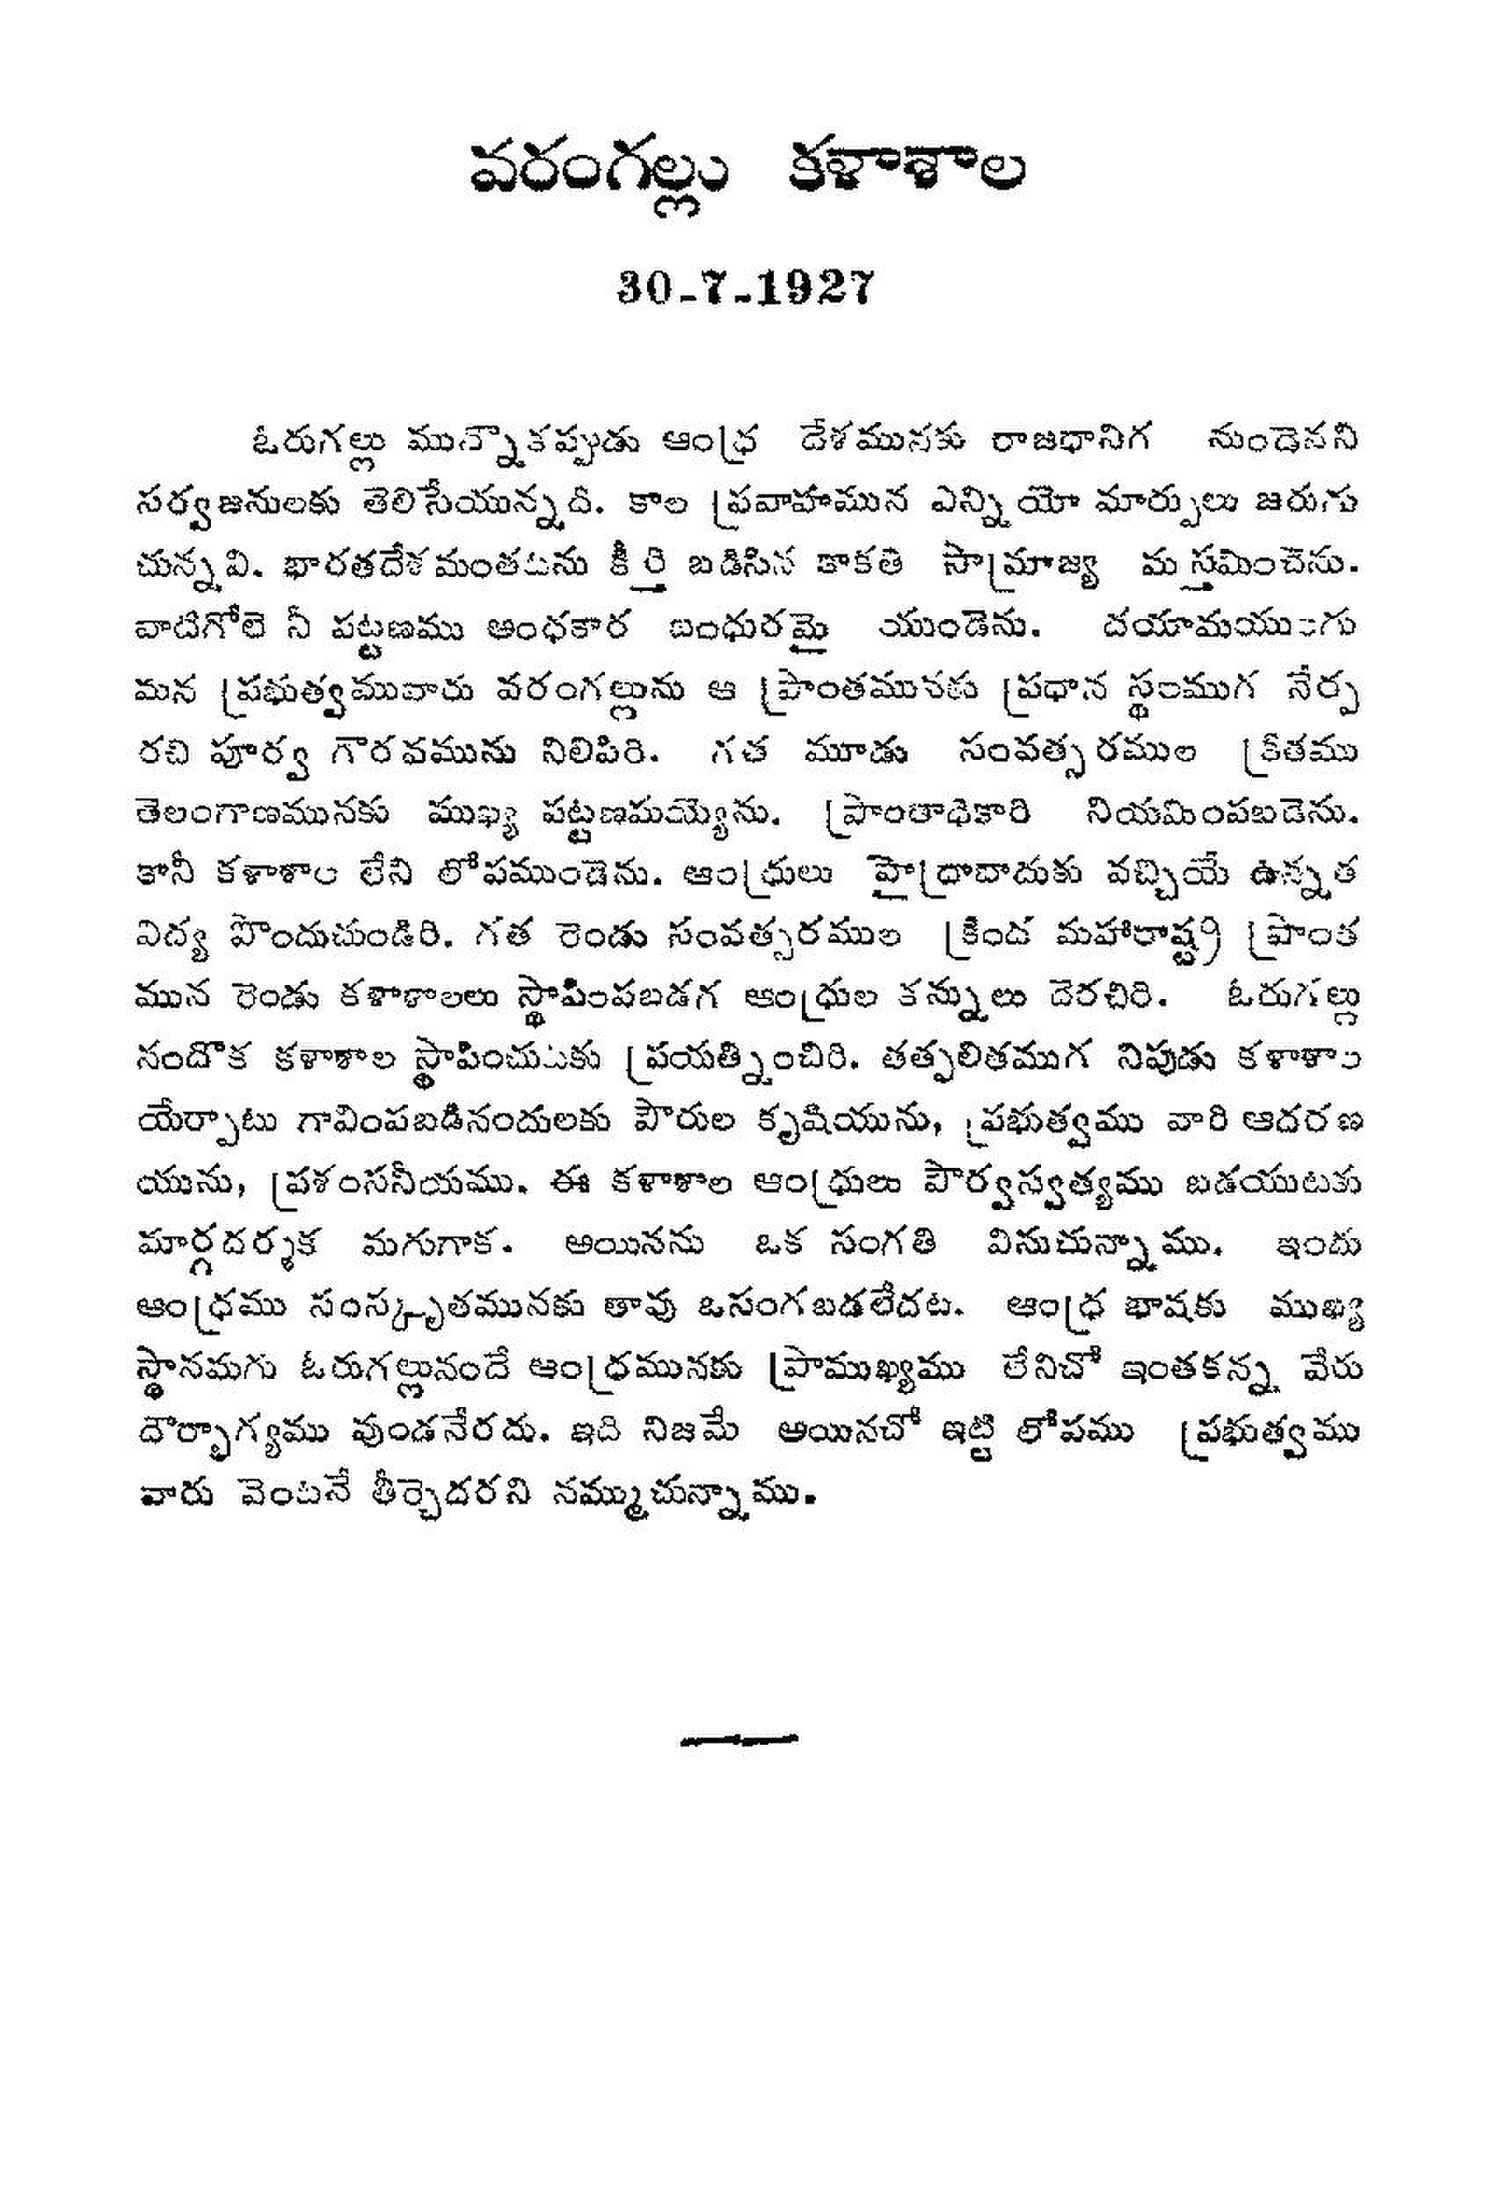వరంగల్లు కళాశాల

30-7-1927

ఓరుగల్లు మున్నొకప్పుడు ఆంధ్ర దేశమునకు రాజధానిగ నుండెనని సర్వజనులకు తెలిసేయున్నది. కాల ప్రవాహమున ఎన్నియో మార్పులు జరుగుచున్నవి. భారతదేశ మంతటను కీర్తి బడిసిన కాకతి సామ్రాజ్య మస్తమించెను. వాటిగోలె నీ పట్టణము అంధకార బంధురమై యుండెను. దయామయులగు మన ప్రభుత్వమువారు వరంగల్లును ఆ ప్రాంతమునకు ప్రధాన స్థలముగ నేర్పరచి పూర్వ గౌరవమును నిలిపిరి. గత మూడు సంవత్సరముల క్రితము
తెలంగాణమునకు ముఖ్య పట్టణమయ్యెను. ప్రాంతాధికారి నియమింపబడెను. కానీ కళాశాల లేని లోపముండెను. ఆంధ్రులు హైద్రాబాదుకు వచ్చియే ఉన్నతవిద్య పొందుచుండిరి. గత రెండు సంవత్సరముల క్రింద మహారాష్ట్ర ప్రాంతమున రెండు కళాశాలలు స్థాపింపబడగ ఆంధ్రుల కన్నులు దెరచిరి. ఓరుగల్లు నందొక కళాశాల స్థాపించుటకు ప్రయత్నించిరి. తత్ఫలితముగ నిపుడు కళాశాల యేర్పాటు గావింపబడినందులకు పౌరుల కృషియును, ప్రభుత్వము వారి ఆదరణయును, ప్రశంసనీయము. ఈ కళాశాల ఆంధ్రులు పౌర్వస్వత్యము బడయుటకు మార్గదర్శక మగుగాక .
అయినను ఒక సంగతి వినుచున్నాము. ఇందు ఆంధ్రము సంస్కృతమునకు తావు ఒసంగబడలేదట. ఆంధ్ర భాషకు ముఖ్యస్థానమగు ఓరుగల్లునందే ఆంధ్రమునకు ప్రాముఖ్యము లేనిచో ఇంతకన్న వేరు దౌర్భాగ్యము వుండనేరదు. ఇది నిజమే అయినచో ఇట్టి లోపము ప్రభుత్వమువారు వెంటనే తీర్చెదరని నమ్ముచున్నాము.